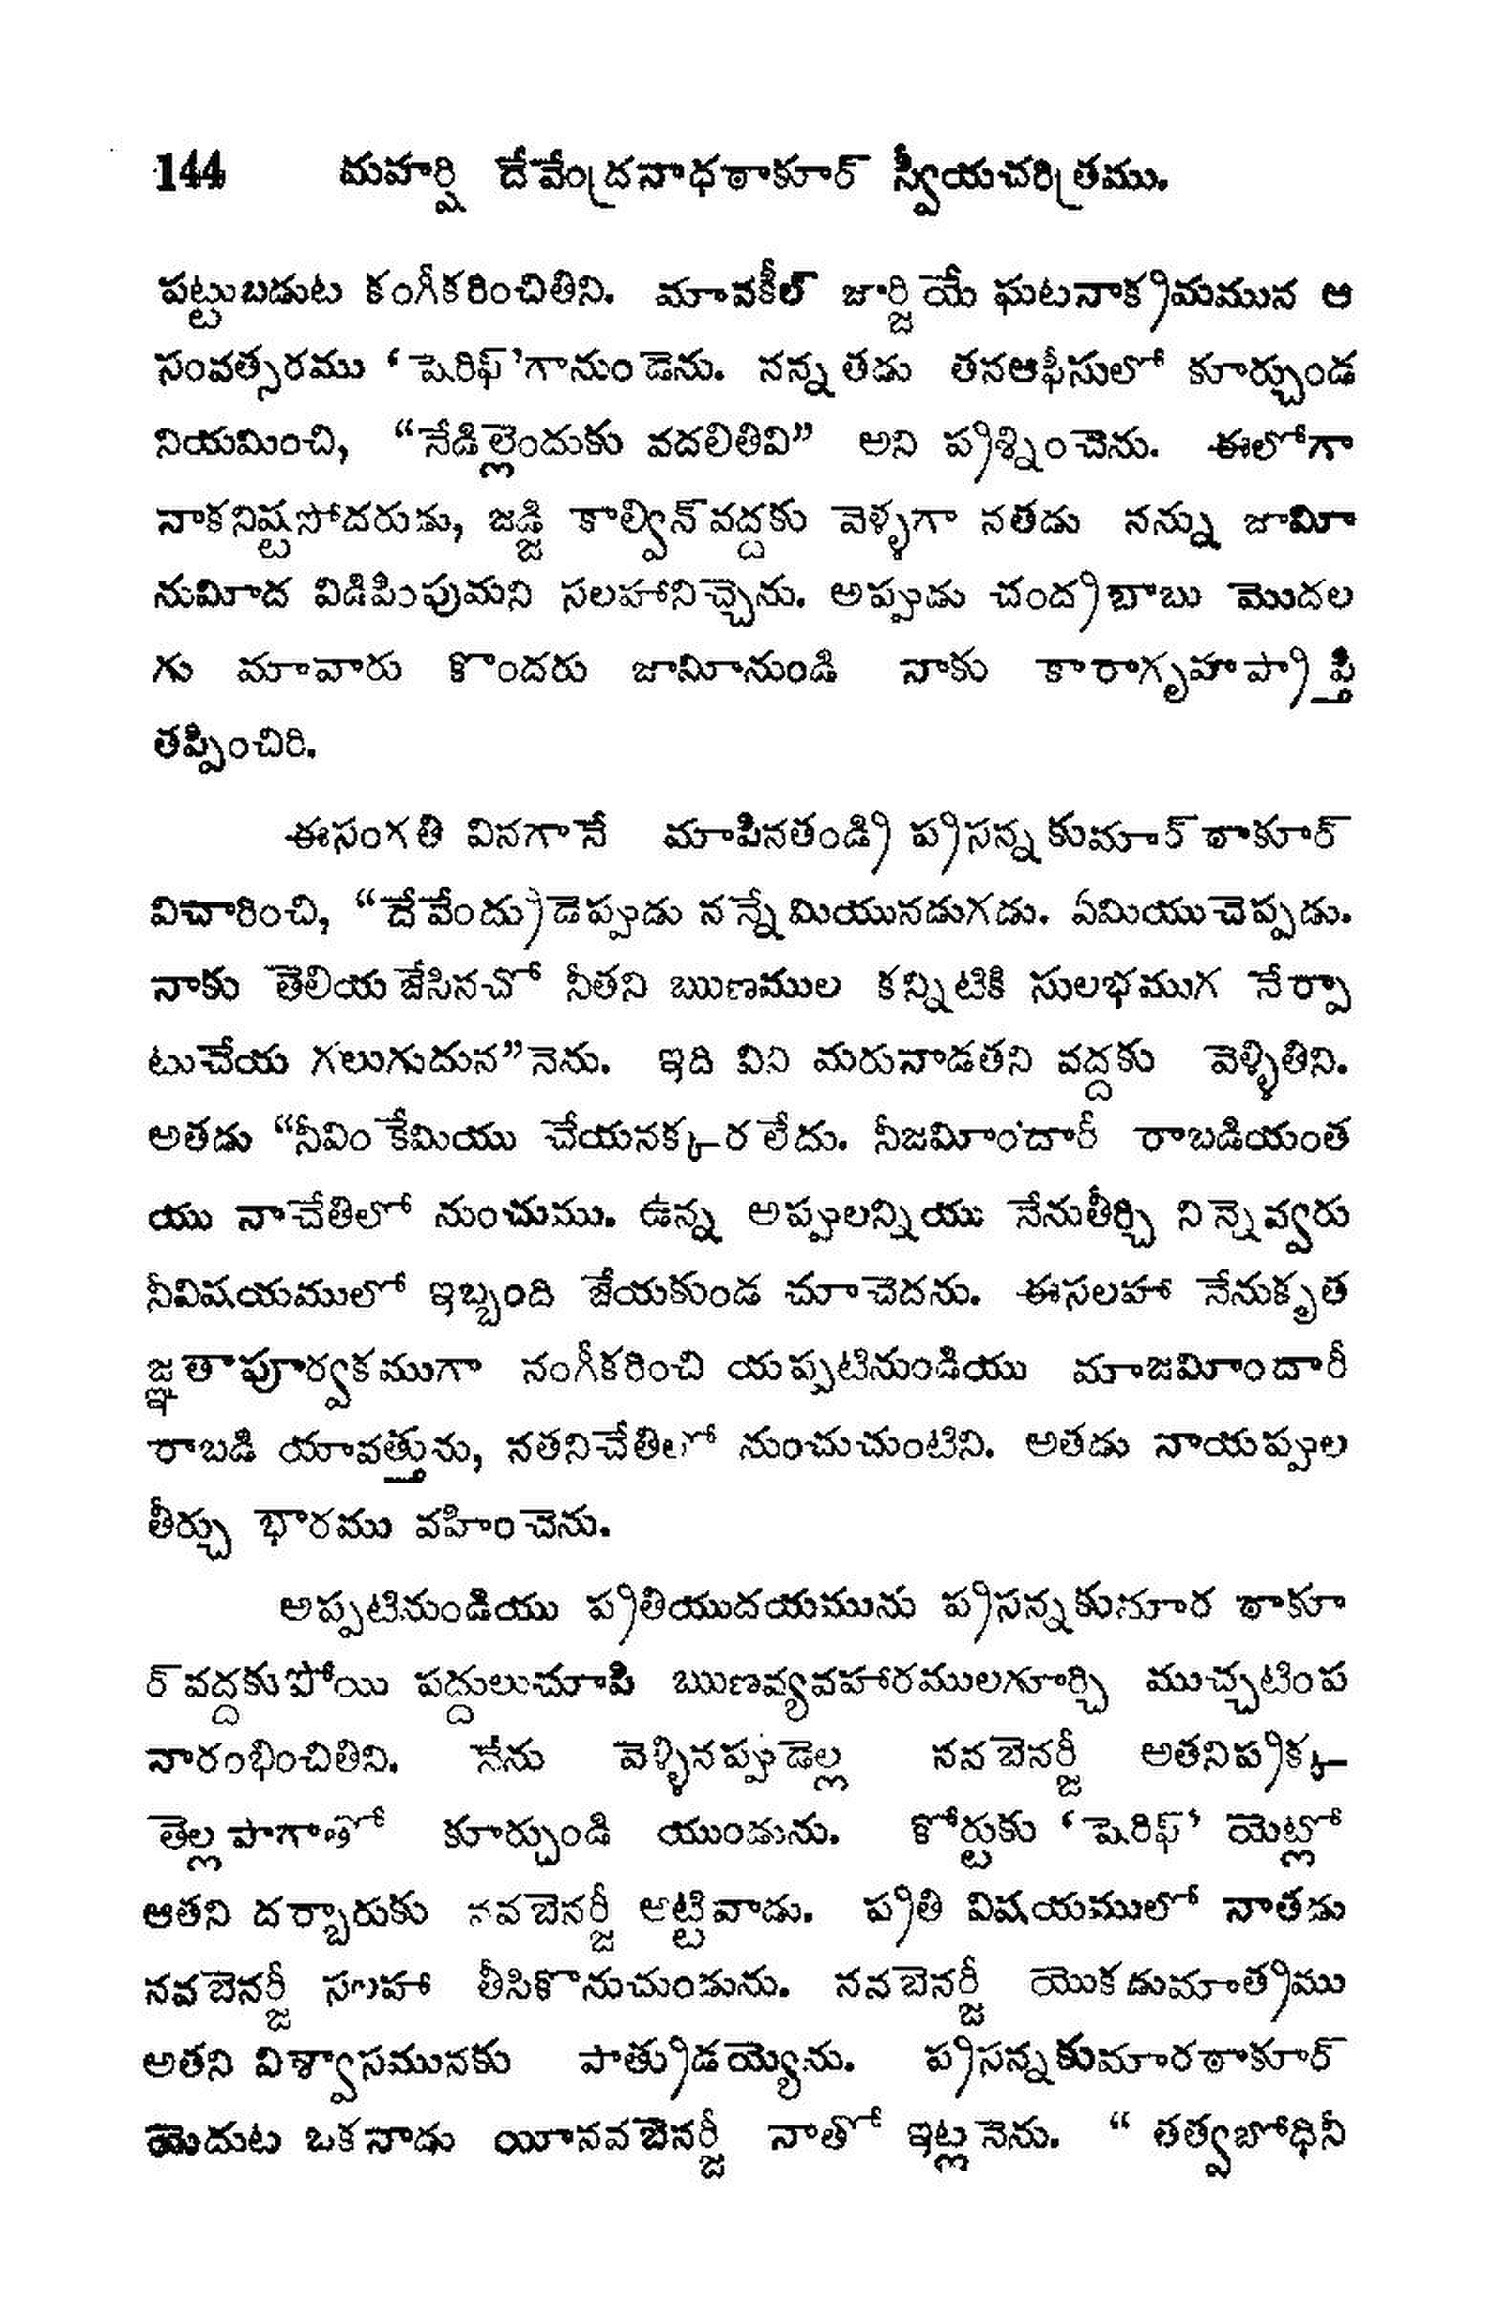పట్టుబడుట కంగీకరించితిని. మావకీల్ జార్జి యే ఘటనాక్రమమున
ఆ సంవత్సరము ' షెరిఫ్ 'గానుండెను. నన్నతడు తన ఆఫీసులో కూర్చుండ
నియమించి, “నేడిల్లెందుకు వదలితివి” అని ప్రశ్నించెను. ఈలోగా
నాకనిష్ట సోదరుడు,జడ్జి కాల్విన్ వద్దకు వెళ్ళగా నతడు నన్ను జామీను మీద విడిపింపుమని సలహానిచ్చెను. అప్పుడు చంద్ర బాబు మొదల కారాగృహ ప్రాప్తి తప్పించిరి.

ఈసంగతి వినగానే మాపినతండ్రి ప్రసన్న కుమార్ ఠాకూర్విచారించి, “దేవేంద్రు డెప్పుడు నన్నేమియునడుగడు. ఏమియు చెప్పడు.నాకు తెలియ జేసినచో నీతని ఋణముల కన్నిటికి సులభముగ నేర్పాటుచేయ గలుగుదున” నెను. ఇది విని మరునాడతని వద్దకు వెళ్ళితిని.అతడు "నీవిం కేమియు చేయనక్కర లేదు. నీజమీందారీ రాబడియంతయు నా చేతిలో నుంచుము. ఉన్న అప్పులన్నియు నేను తీర్చి నిన్నెవ్వరు నీవిషయములో ఇబ్బంది జేయకుండ చూచెదను. ఈసలహా నేనుకృతజ్ఞతాపూర్వకముగా నంగీకరించి యప్పటినుండియు మాజమీందారీ రాబడి యావత్తును, నతని చేతిలో నుంచుచుంటిని. అతడు నాయప్పుల తీర్చు భారము వహిం చెను.అప్పటినుండియు ప్రతియుదయమును ప్రసన్నకునూర ఠాకూర్ వద్దకు పోయి పద్దులు చూపి ఋణవ్యవహారములగూర్చి ముచ్చటింప నారంభించితీని,

నేను వెళ్ళినప్పుడెల్లనన బెనర్జీ అతనిప్రక్కతెల్ల పొగాతో కూర్చుండి యుండును. కోర్టుకు “ షెరిఫ్' యెట్లో అతని దర్బారుకు నవ బెనర్జీ అట్టివాడు. ప్రతి విషయములో నాతడు నవ బెనర్జీ సహా తీసికొనుచుండును. నన బెనర్జీ యొక నాడు మాత్రము అతని విశ్వాసమునకు పాత్రుడయ్యెను. ప్రసన్నకు కుమారఠాకూమార్ యెడుట ఒక నాడు యీనవ బెనర్జీ నాతో ఇట్లనెను. తత్వబోధినీ